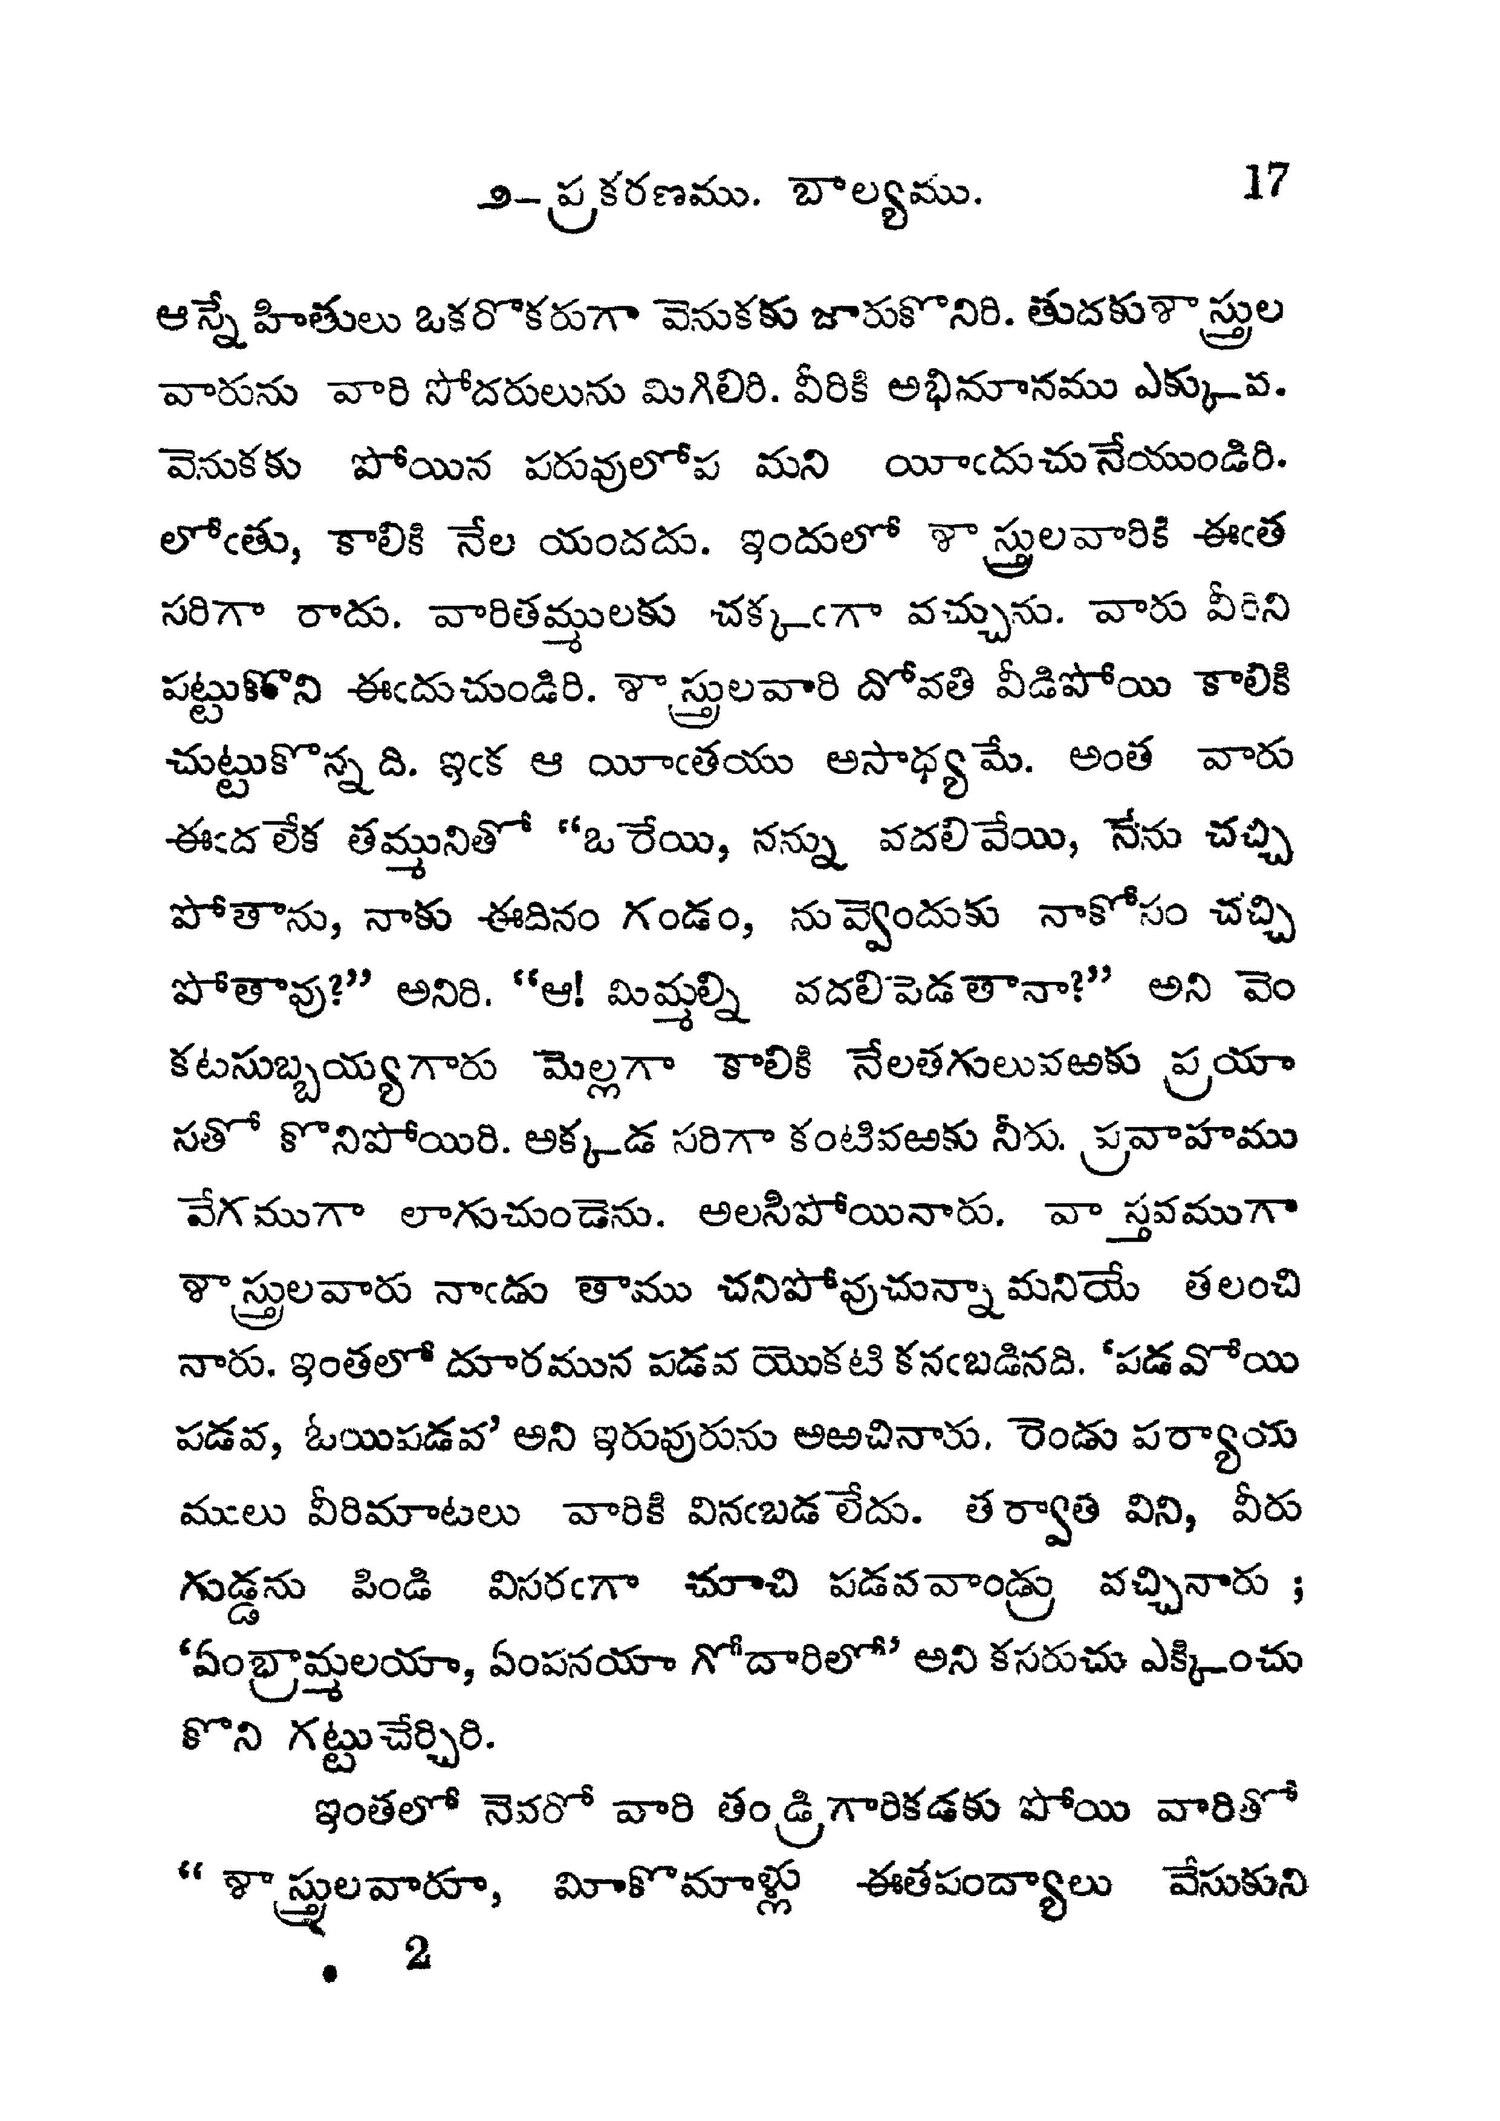ఆస్నేహితులు ఒకరొకరుగా వెనుకకు జారుకొనిరి. తుదకుశాస్త్రులవారును వారి సోదరులును మిగిలిరి. వీరికి అభిమానము ఎక్కువ. వెనుకకు పోయిన పరువులోప మని యీదుచునేయుండిరి. లోతు, కాలికి నేల యందదు. ఇందులో శాస్త్రులవారికి ఈత సరిగా రాదు. వారితమ్ములకు చక్కగా వచ్చును. వారు వీరిని పట్టుకొని ఈదుచుండిరి. శాస్త్రులవారి దోవతి వీడిపోయి కాలికి చుట్టుకొన్నది. ఇక ఆ యీతయు అసాధ్యమే. అంత వారు ఈదలేక తమ్మునితో "ఒరేయి, నన్ను వదలివేయి, నేను చచ్చిపోతాను, నాకు ఈదినం గండం, నువ్వెందుకు నాకోసం చచ్చిపోతావు?" అనిరి. "ఆ! మిమ్మల్ని వదలిపెడతానా?" అని వెంకటసుబ్బయ్యగారు మెల్లగా కాలికి నేలతగులువఱకు ప్రయాసతో కొనిపోయిరి. అక్కడ సరిగా కంటివఱకు నీరు. ప్రవాహము వేగముగా లాగుచుండెను. అలసిపోయినారు. వాస్తవముగా శాస్త్రులవారు నాడు తాము చనిపోవుచున్నామనియే తలంచినారు. ఇంతలో దూరమున పడవ యొకటి కనబడినది. 'పడవోయి పడవ, ఓయిపడవ' అని ఇరువురును అఱచినారు. రెండు పర్యాయములు వీరిమాటలు వారికి వినబడలేదు. తర్వాత విని, వీరు గుడ్డను పిండి విసరగా చూచి పడవవాండ్రు వచ్చినారు; 'ఏంబ్రామ్మలయా, ఏంపనయా గోదారిలో' అని కసరుచు ఎక్కించుకొని గట్టుచేర్చిరి.

ఇంతలో నెవరో వారి తండ్రిగారికడకు పోయి వారితో "శాస్త్రులవారూ, మీకొమాళ్లు ఈతపంద్యాలు వేసుకుని